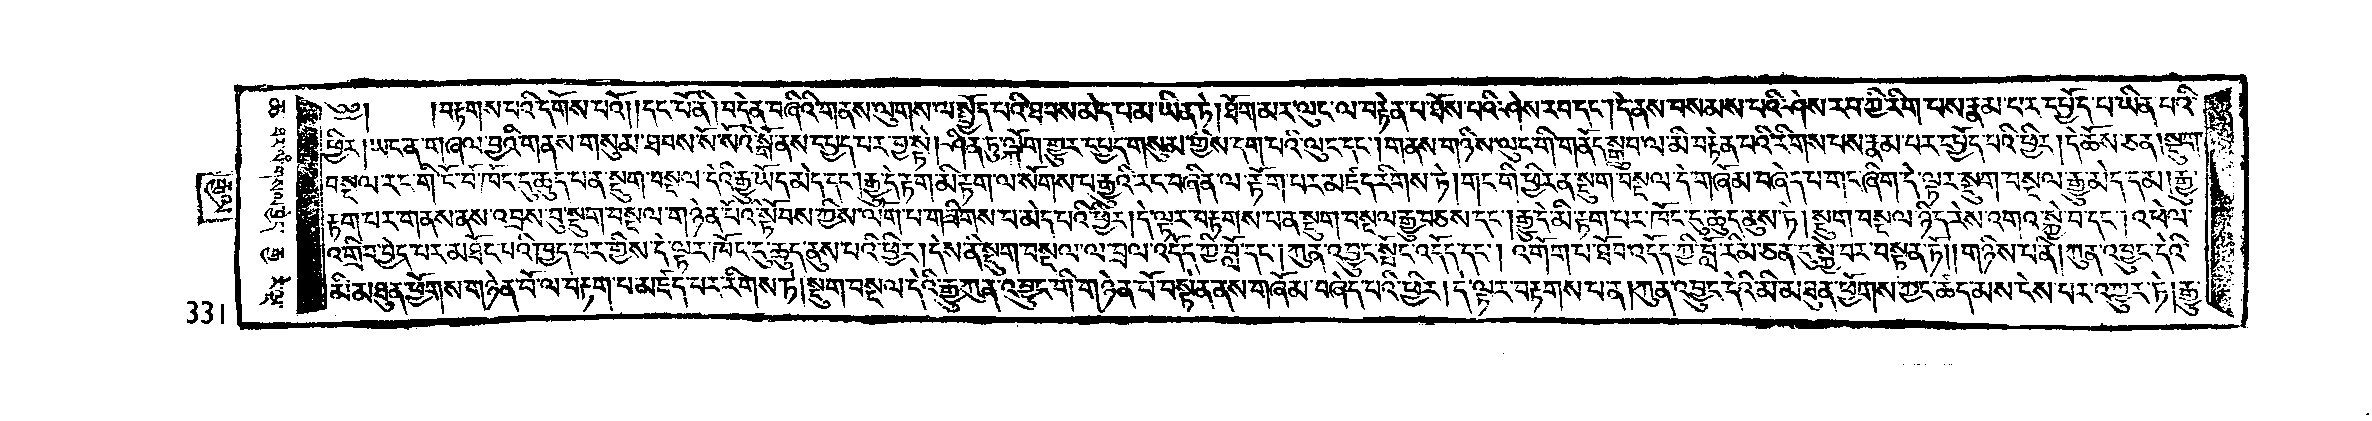༄༅། །བརྟགས་པའི་དགོས་པའོ། །དང་པོ་ནི། བདེན་བཞིའི་གནས་ལུགས་ལ་སྤྱོད་པའི་ཐབས་མེད་པ་མ་ཡིན་ཏེ། ཐོག་མར་ལུང་ལ་བརྟེན་པ་ཐོས་པའི་ཤེས་རབ་དང་། དེ་ནས་བསམས་པའི་ཤེས་རབ་ཀྱི་རིག་པས་རྣམ་པར་དཔྱོད་པ་ཡིན་པའི་
ཕྱིར། ཡང་ན་གཞལ་བྱའི་གནས་གསུམ་ཐབས་སོ་སོའི་སྒོ་ནས་དཔྱད་པར་བྱ་སྟེ། ཤིན་ཏུ་ལྐོག་གྱུར་དཔྱད་གསུམ་གྱིས་དག་པའི་ལུང་དང་། གནས་གཉིས་ལུང་གི་གནོད་སྒྲུབ་ལ་མི་བརྟེན་པའི་རིགས་པས་རྣམ་པར་དཔྱོད་པའི་ཕྱིར། དེ་ཆོས་ཅན། སྡུག་
བསྔལ་རང་གི་ངོ་བོ་ཁོང་དུ་ཆུད་པ་ན་སྡུག་བསྔལ་དེའི་རྒྱུ་ཡོད་མེད་དང་། རྒྱུ་དེ་རྟག་མི་རྟག་ལ་སོགས་པ་རྒྱུའི་རང་བཞིན་ལ་རྟོག་པར་མཛད་རིགས་ཏེ། གང་གི་ཕྱིར་ན་སྡུག་བསྔལ་དེ་གཞོམ་བཞེད་པ་གང་ཞིག་དེ་ལྟར་སྡུག་བསྔལ་རྒྱུ་མེད་དམ། རྒྱུ་
རྟག་པར་གནས་ནས་འབྲས་བུ་སྡུག་བསྔལ་གཉེན་པོའི་སྟོབས་ཀྱིས་ལོག་པ་གཟིགས་པ་མེད་པའི་ཕྱིར། དེ་ལྟར་བརྟགས་པ་ན་སྡུག་བསྔལ་རྒྱུ་བཅས་དང་། རྒྱུ་དེ་མི་རྟག་པར་ཁོང་དུ་ཆུད་ནུས་ཏེ། སྡུག་བསྔལ་ཉིད་རེས་འགའ་སྐྱེ་བ་དང་། འཕེལ་
འགྲིབ་བྱེད་པར་མཐོང་བའི་ཁྱད་པར་གྱིས་དེ་ལྟར་ཁོང་དུ་ཆུད་ནུས་པའི་ཕྱིར། དེས་ནི་སྡུག་བསྔལ་ལ་བྲལ་འདོད་ཀྱི་བློ་དང་། ཀུན་འབྱུང་སྤོང་འདོད་དང་། འགོག་པ་ཐོབ་འདོད་ཀྱི་བློ་རིམ་ཅན་དུ་སྐྱེ་བར་བསྟན་ཏོ། །གཉིས་པ་ནི། ཀུན་འབྱུང་དེའི་
མི་མཐུན་ཕྱོགས་གཉེན་པོ་ལ་བརྟག་པ་མཛད་པར་རིགས་ཏེ། སྡུག་བསྔལ་དེའི་རྒྱུ་ཀུན་འབྱུང་གི་གཉེན་པོ་བསྟེན་ནས་གཞོམ་བཞེད་པའི་ཕྱིར། དེ་ལྟར་བརྟགས་པ་ན། ཀུན་འབྱུང་དེའི་མི་མཐུན་ཕྱོགས་ཀྱང་ཚད་མས་ངེས་པར་འགྱུར་ཏེ། རྒྱུ་